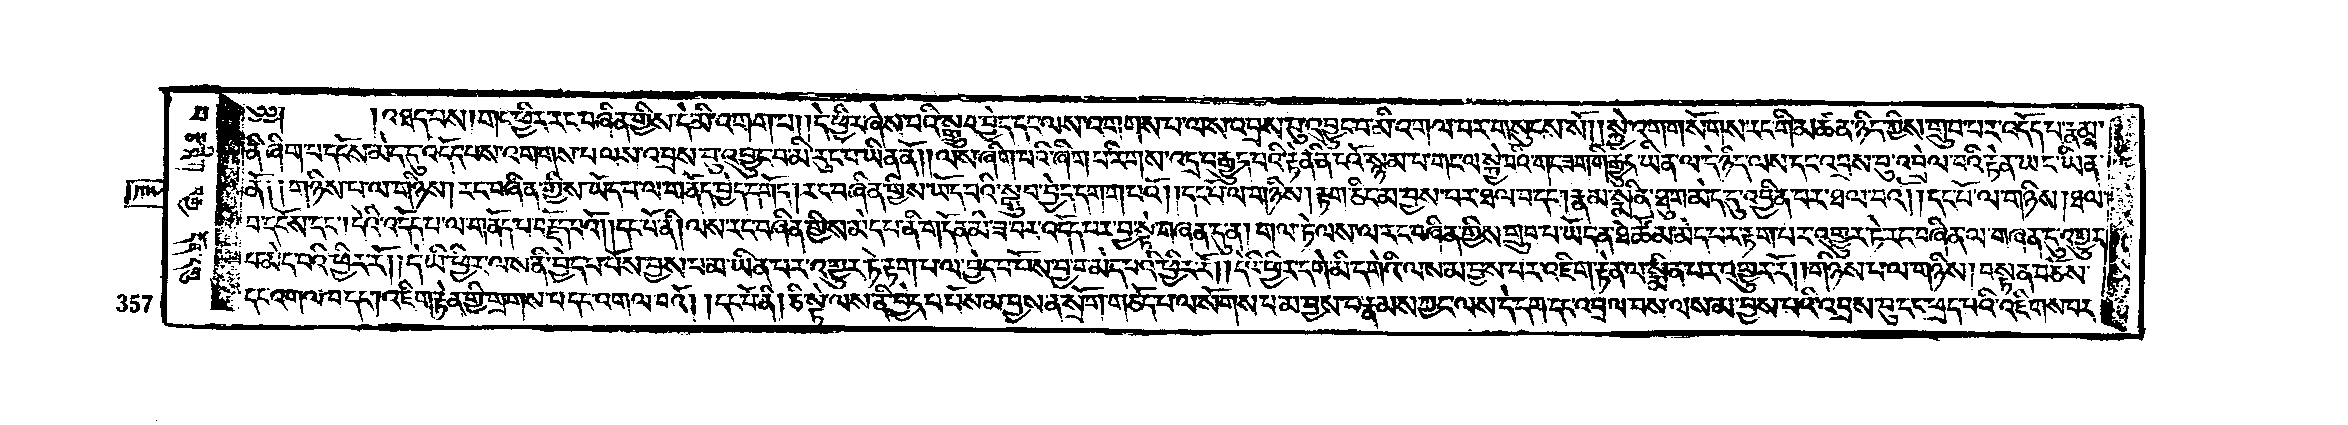༄༅། །འཐད་པས། གང་ཕྱིར་རང་བཞིན་གྱིས་དེ་མི་འགག་པ། །དེ་ཕྱིར་ཞེས་པའི་སྒྲུབ་བྱེད་དང་ལས་འགགས་པ་ལས་འབྲས་བུ་འབྱུང་བ་མི་འགལ་བར་གསུངས་སོ། །སྐྱེ་འགག་སོགས་རང་གི་མཚན་ཉིད་ཀྱིས་གྲུབ་པར་འདོད་པ་རྣམས་
ནི་ཞིག་པ་དངོས་མེད་དུ་འདོད་པས་འགགས་པ་ལས་འབྲས་བུ་འབྱུང་བ་མི་རུང་བ་ཡིན་ནོ། །ལས་ཞིག་པའི་ཞིག་པ་རིགས་འདྲ་བརྒྱུད་པའི་རྟེན་ནི་ངའོ་སྙམ་པ་གང་ལ་སྐྱེ་བའི་གང་ཟག་གི་རྒྱུད་ཡིན་ལ་དེ་ཉིད་ལས་དང་འབྲས་བུ་འབྲེལ་བའི་རྟེན་ཡང་ཡིན་
ནོ། །གཉིས་པ་ལ་གཉིས། རང་བཞིན་གྱིས་ཡོད་པ་ལ་གནོད་བྱེད་དགོད། རང་བཞིན་གྱིས་ཡོད་པའི་སྒྲུབ་བྱེད་དགག་པའོ། །དང་པོ་ལ་གཉིས། རྟག་ཅིང་མ་བྱས་པར་ཐལ་བ་དང་། རྣམ་སྨིན་ཐུག་མེད་དུ་འབྱིན་པར་ཐལ་བའོ། །དང་པོ་ལ་གཉིས། ཐལ་
བ་དངོས་དང་། དེའི་འདོད་པ་ལ་གནོད་པ་བརྗོད་པའོ། །དང་པོ་ནི། ལས་རང་བཞིན་གྱིས་མེད་པ་ནི་གདོན་མི་ཟ་བར་འདོད་པར་བྱ་སྟེ་གཞན་དུ་ན། གལ་ཏེ་ལས་ལ་རང་བཞིན་གྱིས་གྲུབ་པ་ཡོད་ན་ཐེ་ཚོམ་མེད་པར་རྟག་པར་འགྱུར་ཏེ་རང་བཞིན་ལ་གཞན་དུ་འགྱུར་
པ་མེད་པའི་ཕྱིར་རོ། །དེ་ཡི་ཕྱིར་ལས་ནི་བྱེད་པ་པོས་བྱས་པ་མ་ཡིན་པར་འགྱུར་ཏེ་རྟག་པ་ལ་བྱེད་པ་པོས་བྱ་བ་མེད་པའི་ཕྱིར་རོ། །དེའི་ཕྱིར་དགེ་མི་དགེའི་ལས་མ་བྱས་པར་འཇིག་རྟེན་ལ་སྨིན་པར་འགྱུར་རོ། །གཉིས་པ་ལ་གཉིས། བསྟན་བཅོས་
དང་འགལ་བ་དང་། འཇིག་རྟེན་གྱི་གྲགས་པ་དང་འགལ་བའོ། །དང་པོ་ནི། ཅི་སྟེ་ལས་ནི་བྱེད་པ་པོས་མ་བྱས་ན་སྲོག་གཅོད་པ་ལ་སོགས་པ་མ་བྱས་པ་རྣམས་ཀྱང་ལས་དེ་དག་དང་འབྲལ་བས་ལས་མ་བྱས་པའི་འབྲས་བུ་དང་ཕྲད་པའི་འཇིགས་པར་